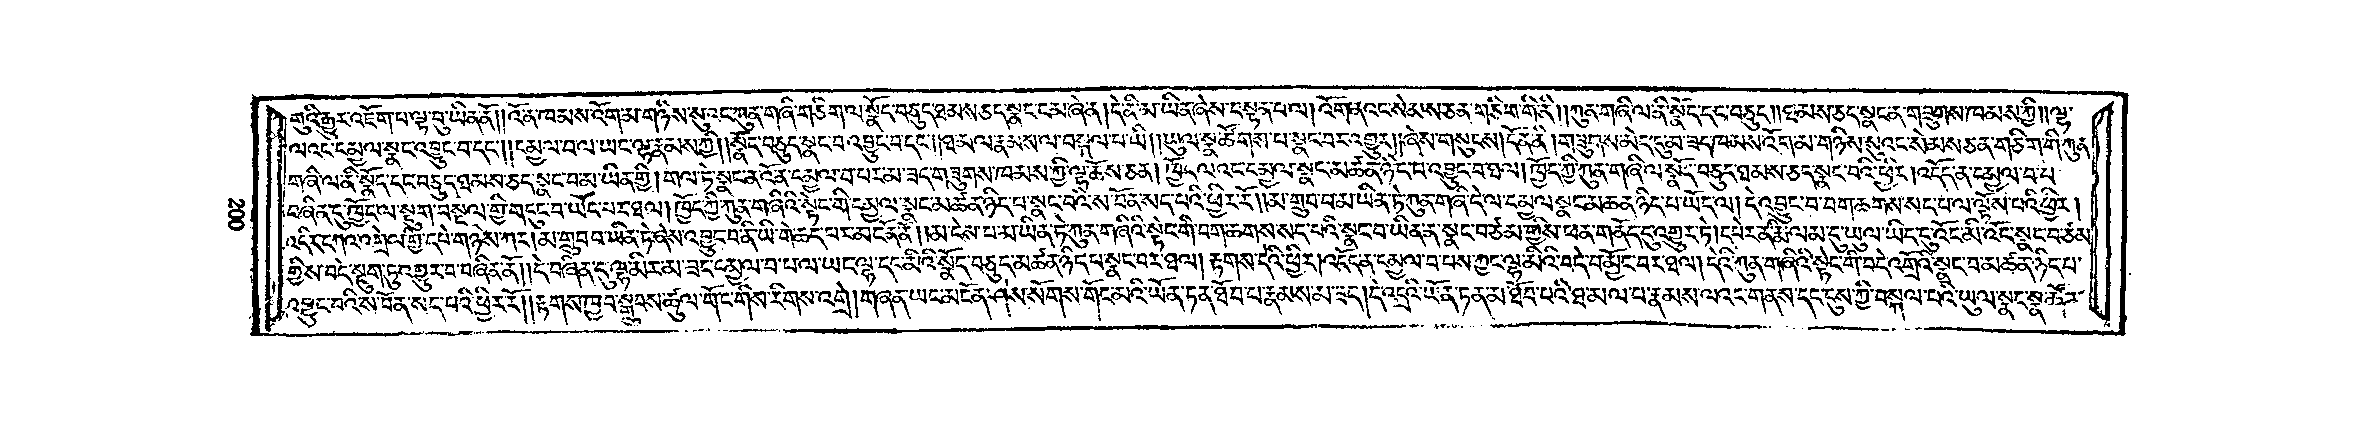གུའི་རྒྱུར་འཇོག་པ་ལྟ་བུ་ཡིན་ནོ། །འོ་ན་ཁམས་འོག་མ་གཉིས་སུའང་ཀུན་གཞི་གཅིག་ལ་སྣོད་བཅུད་ཐམས་ཅད་སྣང་ངམ་ཞེ་ན། དེ་ནི་མ་ཡིན་ཞེས་བསྟན་པ་ལ། འོག་ནའང་སེམས་ཅན་གཅིག་གི་ནི། །ཀུན་གཞི་ལ་ནི་སྣོད་དང་བཅུད། །ཐམས་ཅད་སྣང་ན་གཟུགས་ཁམས་ཀྱི། །ལྷ་
ལའང་དམྱལ་སྣང་འབྱུང་བ་དང་། །དམྱལ་བ་ལ་ཡང་ལྷ་རྣམས་ཀྱི། །སྣོད་བཅུད་སྣང་བ་འབྱུང་བ་དང་། །ཐ་མལ་རྣམས་ལ་བསྐལ་བ་ཡི།ཡུལ་སྣ་ཚོགས་པ་སྣང་བར་འགྱུར།ཞེས་གསུངས་། དོན་ནི། གཟུགས་མེད་དུ་མ་ཟད་ཁམས་འོག་མ་གཉིས་སུའང་སེམས་ཅན་གཅིག་གི་ཀུན་
གཞི་ལ་ནི་སྣོད་དང་བཅུད་ཐམས་ཅད་སྣང་བ་མ་ཡིན་གྱི། གལ་ཏེ་སྣང་ན་འོ་ན་དམྱལ་བ་པར་མ་ཟད་གཟུགས་ཁམས་ཀྱི་ལྷ་ཆོས་ཅན། ཁྱོད་ལའང་དམྱལ་སྣང་མཚན་ཉིད་པ་འབྱུང་བ་ཐལ། ཁྱོད་ཀྱི་ཀུན་གཞི་ལ་སྣོད་བཅུད་ཐམས་ཅད་སྣང་བའི་ཕྱིར། འདོད་ན་དམྱལ་བ་པ་
བཞིན་དུ་ཁྱོད་ལ་སྡུག་བསྔལ་གྱི་གདུང་བ་ཡོད་པར་ཐལ། ཁྱོད་ཀྱི་ཀུན་གཞིའི་སྟེང་གི་དམྱལ་སྣང་མཚན་ཉིད་པ་སྣང་བའི་ས་བོན་སད་པའི་ཕྱིར་རོ། །མ་གྲུབ་པ་མ་ཡིན་ཏེ་ཀུན་གཞི་དེ་ལ་དམྱལ་སྣང་མཚན་ཉིད་པ་ཡོད་ལ། དེ་འབྱུང་བ་བག་ཆགས་སད་པ་ལ་ལྟོས་པའི་ཕྱིར།
འདིར་དཀའ་འགྲེལ་གྱི་དཔེ་གཉིས་ཀར། མ་གྲུབ་པ་ཡིན་ཏེ་ཞེས་འབྱུང་བ་ནི་ཡི་གེ་ཆད་པར་མངོན་ནོ། །མ་ངེས་པ་མ་ཡིན་ཏེ་ཀུན་གཞིའི་སྟེང་གི་བག་ཆགས་སད་པའི་སྣང་བ་ཡིན་ན་སྣང་བ་ཙམ་གྱིས་ཕན་གནོད་དུ་འགྱུར་ཏེ། དཔེར་ན་རྨི་ལམ་དུ་ཡུལ་ཡིད་དུ་འོང་མི་འོང་སྣང་བ་ཙམ་
གྱིས་བདེ་སྡུག་ཏུ་འགྱུར་བ་བཞིན་ནོ། །དེ་བཞིན་དུ་ལྷ་མིར་མ་ཟད་དམྱལ་བ་པ་ལ་ཡང་ལྷ་དང་མིའི་སྣོད་བཅུད་མཚན་ཉིད་པ་སྣང་བར་ཐལ། རྟགས་དེའི་ཕྱིར། འདོད་ན་དམྱལ་བ་པས་ཀྱང་ལྷ་མིའི་བདེ་བ་མྱོང་བར་ཐལ། དེའི་ཀུན་གཞིའི་སྟེང་གི་བདེ་འགྲོའི་སྣང་བ་མཚན་ཉིད་པ་
འབྱུང་བའི་ས་བོན་སད་པའི་ཕྱིར་རོ། །རྟགས་ཁྱབ་སྒྲུབས་ཚུལ་གོང་གིས་རིགས་འགྲེ་།གཞན་ཡང་མངོན་ཤེས་སོགས་གོང་མའི་ཡོན་ཏན་ཐོབ་པ་རྣམས་མ་ཟད། དེ་འདྲའི་ཡོན་ཏན་མ་ཐོབ་པའི་ཐ་མལ་པ་ཨིརྣམས་ལའང་གནས་དང་དུས་ཀྱི་བསྐལ་བའི་ཡུལ་སྣང་སྣ་ཚོགས་